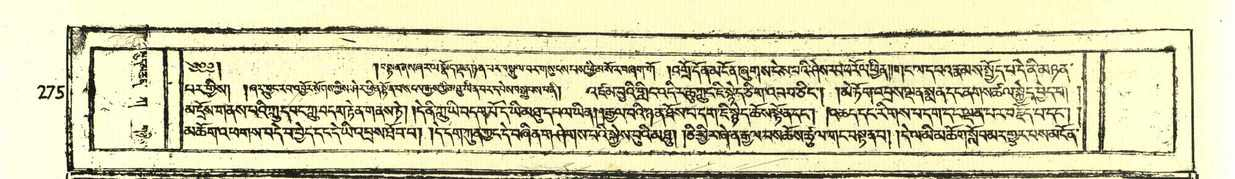༄༅༅། །བསྟན་ནས་ཞར་ལ་སྣོད་ལྡན་ཉན་པར་བསྐུལ་བར་གསུངས་པས་ཕྱི་མ་སོར་བཞག་གོ །འགྲོ་དོན་མངོན་ཞུགས་ངེས་པའི་ཤེས་རབ་ཕ་རོལ་ཕྱིན། །གང་ལ་དཔའ་རྣམས་སྤྱོད་པ་དེ་ནི་མཉན་
པར་གྱིས། །ཞར་བྱུང་རབ་འབྱོར་སོགས་ཀྱིས་ཤེར་ཕྱིན་སྟོན་པ་སངས་རྒྱས་ཀྱི་མཐུ་ཡིན་པར་དཔེས་བསྒྲུབས་པ་ནི། འཛམ་བུའི་གླིང་འདིར་ཆུ་ཀླུང་ཇི་སྙེད་ཅིག་འབབ་ཅིང་། །མེ་ཏོག་འབྲས་ལྡན་སྨན་དང་ནགས་ཚལ་སྐྱེད་བྱེད་པ། །
མ་དྲོས་གནས་པའི་ཀླུ་དབང་ཀླུ་བདག་རྟེན་གནས་ཏེ། །དེ་ནི་ཀླུ་ཡི་བདག་པོ་དེ་ཡི་མཐུ་དཔལ་ཡིན། །རྒྱལ་བའི་ཉན་ཐོས་བདག་ཇི་སྙེད་ཆོས་སྟོན་དང་། །འཆད་དང་རིགས་པ་དག་དང་ལྡན་པར་བརྗོད་པ་དང།།
མཆོག་འཕགས་བདེ་བ་བྱེད་དང་དེ་ཡི་འབྲས་ཐོབ་པ། །དེ་དག་ཀུན་ཀྱང་དེ་བཞིན་གཤེགས་པའི་སྐྱེས་བུའི་མཐུ། །ཅི་ཕྱིར་ཞེ་ན་རྒྱལ་བས་ཆོས་ཚུལ་གང་བསྟན་པ། །དེ་ལ་མི་མཆོག་སློབ་མར་གྱུར་པས་མངོན་